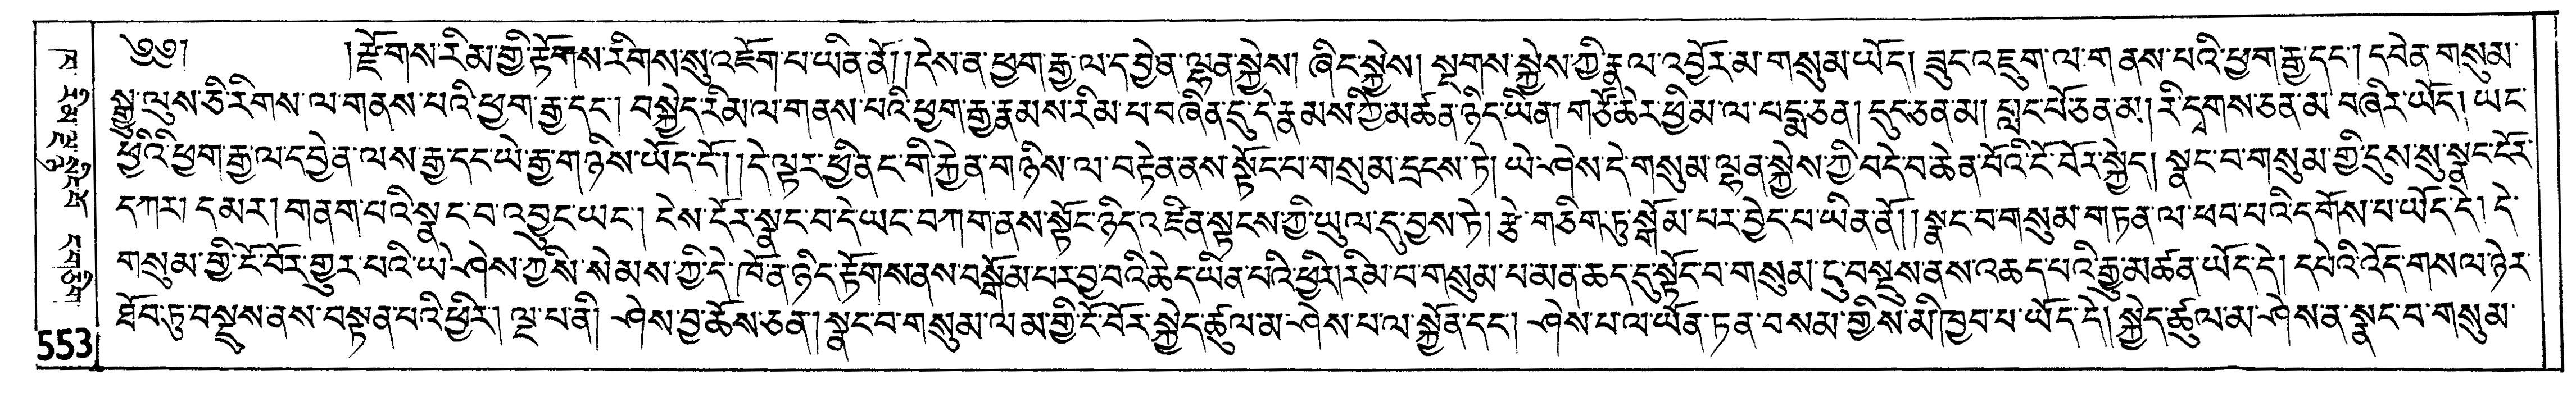༄༅། །རྫོགས་རིམ་གྱི་རྟོགས་རིགས་སུ་འཇོག་པ་ཡིན་ནོ། །དེས་ན་ཕྱག་རྒྱ་ལ་དབྱེ་ན་ལྷན་སྐྱེས། ཞིང་སྐྱེས། སྔགས་སྐྱེས་ཀྱི་རྣལ་འབྱོར་མ་གསུམ་ཡོད། ཟུང་འཇུག་ལ་གནས་པའི་ཕྱག་རྒྱ་དང་། དབེན་གསུམ་
སྒྱུ་ལུས་ཅི་རིགས་ལ་གནས་པའི་ཕྱག་རྒྱ་དང་། བསྐྱེད་རིམ་ལ་གནས་པའི་ཕྱག་རྒྱ་རྣམས་རིམ་པ་བཞིན་དུ་དེ་རྣམས་ཀྱི་མཚན་ཉིད་ཡིན། གཙོ་ཆེར་ཕྱི་མ་ལ་པདམ་ཅན། དུང་ཅན་མ། གླང་པོ་ཅན་མ། རི་དྭགས་ཅན་མ་བཞིར་ཡོད། ཡང་
ཕྱིའི་ཕྱག་རྒྱ་ལ་དབྱེ་ན་ལས་རྒྱ་དང་ཡེ་རྒྱ་གཉིས་ཡོད་དོ། །དེ་ལྟར་ཕྱི་ནང་གི་རྐྱེན་གཉིས་ལ་བརྟེན་ནས་སྟོང་པ་གསུམ་དྲངས་ཏེ། ཡེ་ཤེས་དེ་གསུམ་ལྷན་སྐྱེས་ཀྱི་བདེ་བ་ཆེན་པོའི་ངོ་བོར་སྐྱེད། སྣང་བ་གསུམ་གྱི་དུས་སུ་སྣང་ངོར་
དཀར། དམར། གནག་པའི་སྣང་བ་འབྱུང་ཡང་། ངེས་དོར་སྣང་བ་དེ་ཡང་བཀག་ནས་སྟོང་ཉིད་འཛིན་སྟངས་ཀྱི་ཡུལ་དུ་བྱས་ཏེ། རྩེ་གཅིག་ཏུ་སྒོམ་པར་བྱེད་པ་ཡིན་ནོ། །སྣང་བ་གསུམ་གཏན་ལ་ཕབ་པའི་དགོས་པ་ཡོད་དེ། དེ་
གསུམ་གྱི་ངོ་བོར་གྱུར་པའི་ཡེ་ཤེས་ཀྱིས་སེམས་ཀྱི་དེ་ཁོ་ན་ཉིད་རྟོགས་ནས་བསྒོམ་པར་བྱ་བའི་ཆེད་ཡིན་པའི་ཕྱིར། རིམ་པ་གསུམ་པ་མན་ཆད་དུ་སྟོང་པ་གསུམ་དུ་བསྡུས་ནས་འཆད་པའི་རྒྱུ་མཚན་ཡོད་དེ། དཔེའི་འོད་གསལ་ཉེར་
ཐོབ་ཏུ་བསྡུས་ནས་བསྟན་པའི་ཕྱིར། ལྔ་པ་ནི། ཤེས་བྱ་ཆོས་ཅན། སྣང་བ་གསུམ་ལམ་གྱི་ངོ་བོར་སྐྱེད་ཚུལ་མ་ཤེས་པ་ལ་སྐྱོན་དང་། ཤེས་པ་ལ་ཡོན་ཏན་བསམ་གྱིས་མི་ཁྱབ་པ་ཡོད་དེ། སྐྱེད་ཚུལ་མ་ཤེས་ན་སྣང་བ་གསུམ་